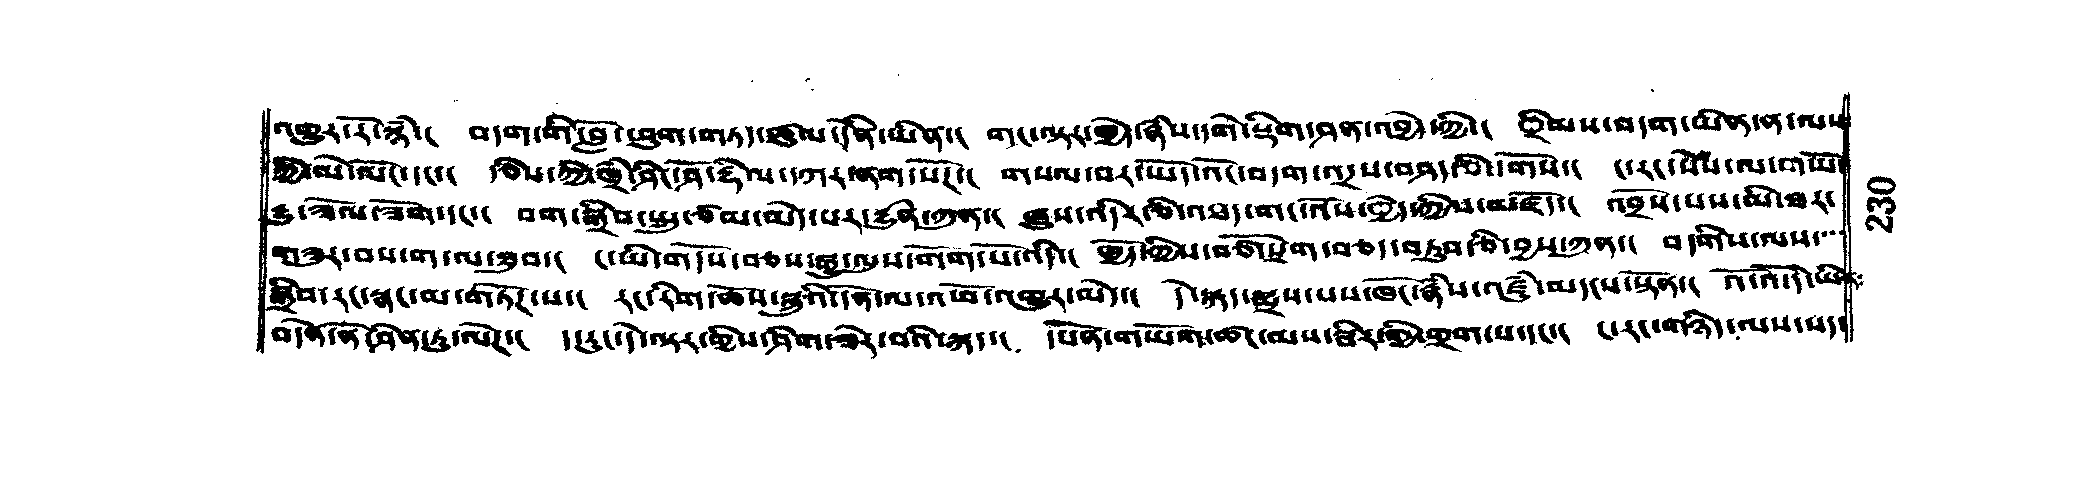འགྱུར་རོ་སྙམ། །བདག་གི་བློ་ཕུག་གཏད་ཚུལ་དོན་ཆེན་ཡིན། །གང་ལྟར་ཁྱེད་རྣམས་དགེ་སྡིག་ཤན་འབྱེད་ཀྱི། །ཁྲིམས་བདག་ཡིན་ན་ལས་
ཀྱི་མེ་ལོང་དང་། །རྩིས་ཀྱི་ཁྲམ་ཤིང་ཤཱོ་རྡེལ་དཀར་ནག་སོགས། །གསལ་བར་ཡོད་འོང་བདག་འདྲས་བཤད་ཅི་དགོས། །ང་རང་སེམས་ལ་གཡོ་
སྒྱུ་ཟོལ་ཟོག་དང་། །བག་སྒྲིབ་སྤུ་ཙམ་མེད་པར་རྒྱུ་མཚན་ཀུན། །ཞུས་འདིར་ཅི་འཐད་གང་འོས་ཁྱེད་ཀྱིས་མཛོད། །འབྲོས་པས་མི་ཐར་
གཟུར་བས་ག་ལ་ཐུབ། །ང་ཡི་གདོས་བཅས་སྒྱུ་ལུས་གོག་པོ་འདི། །ཁྱོད་ཀྱིས་བཙོ་སྲེག་བཅད་བཏུབ་ཅི་བྱས་ཀུན། །བདག་གིས་ལས་
སྒྲིབ་རང་སྣང་མ་གཏོགས་པ། །རང་རིག་ཆོས་སྐུའི་དོན་ལ་འཕོ་འགྱུར་མེད། །དེ་སྐད་སྨྲས་པས་ཁོང་རྣམས་འཛུམ་མདངས་སྟོན། །འོ་འོ་དེ་ཡིན་
བདེན་ནོ་ཤིན་ཏུ་ལེགས། །ད་རུང་དེ་ལྟར་གྱིས་ཤིག་ཟེར་བའི་སྐད། །དཔོན་གཡོག་ཚང་མས་སྦིར་གྱི་གྲག་པ་དང་། །ང་རང་གཉིད་ལས་སད་